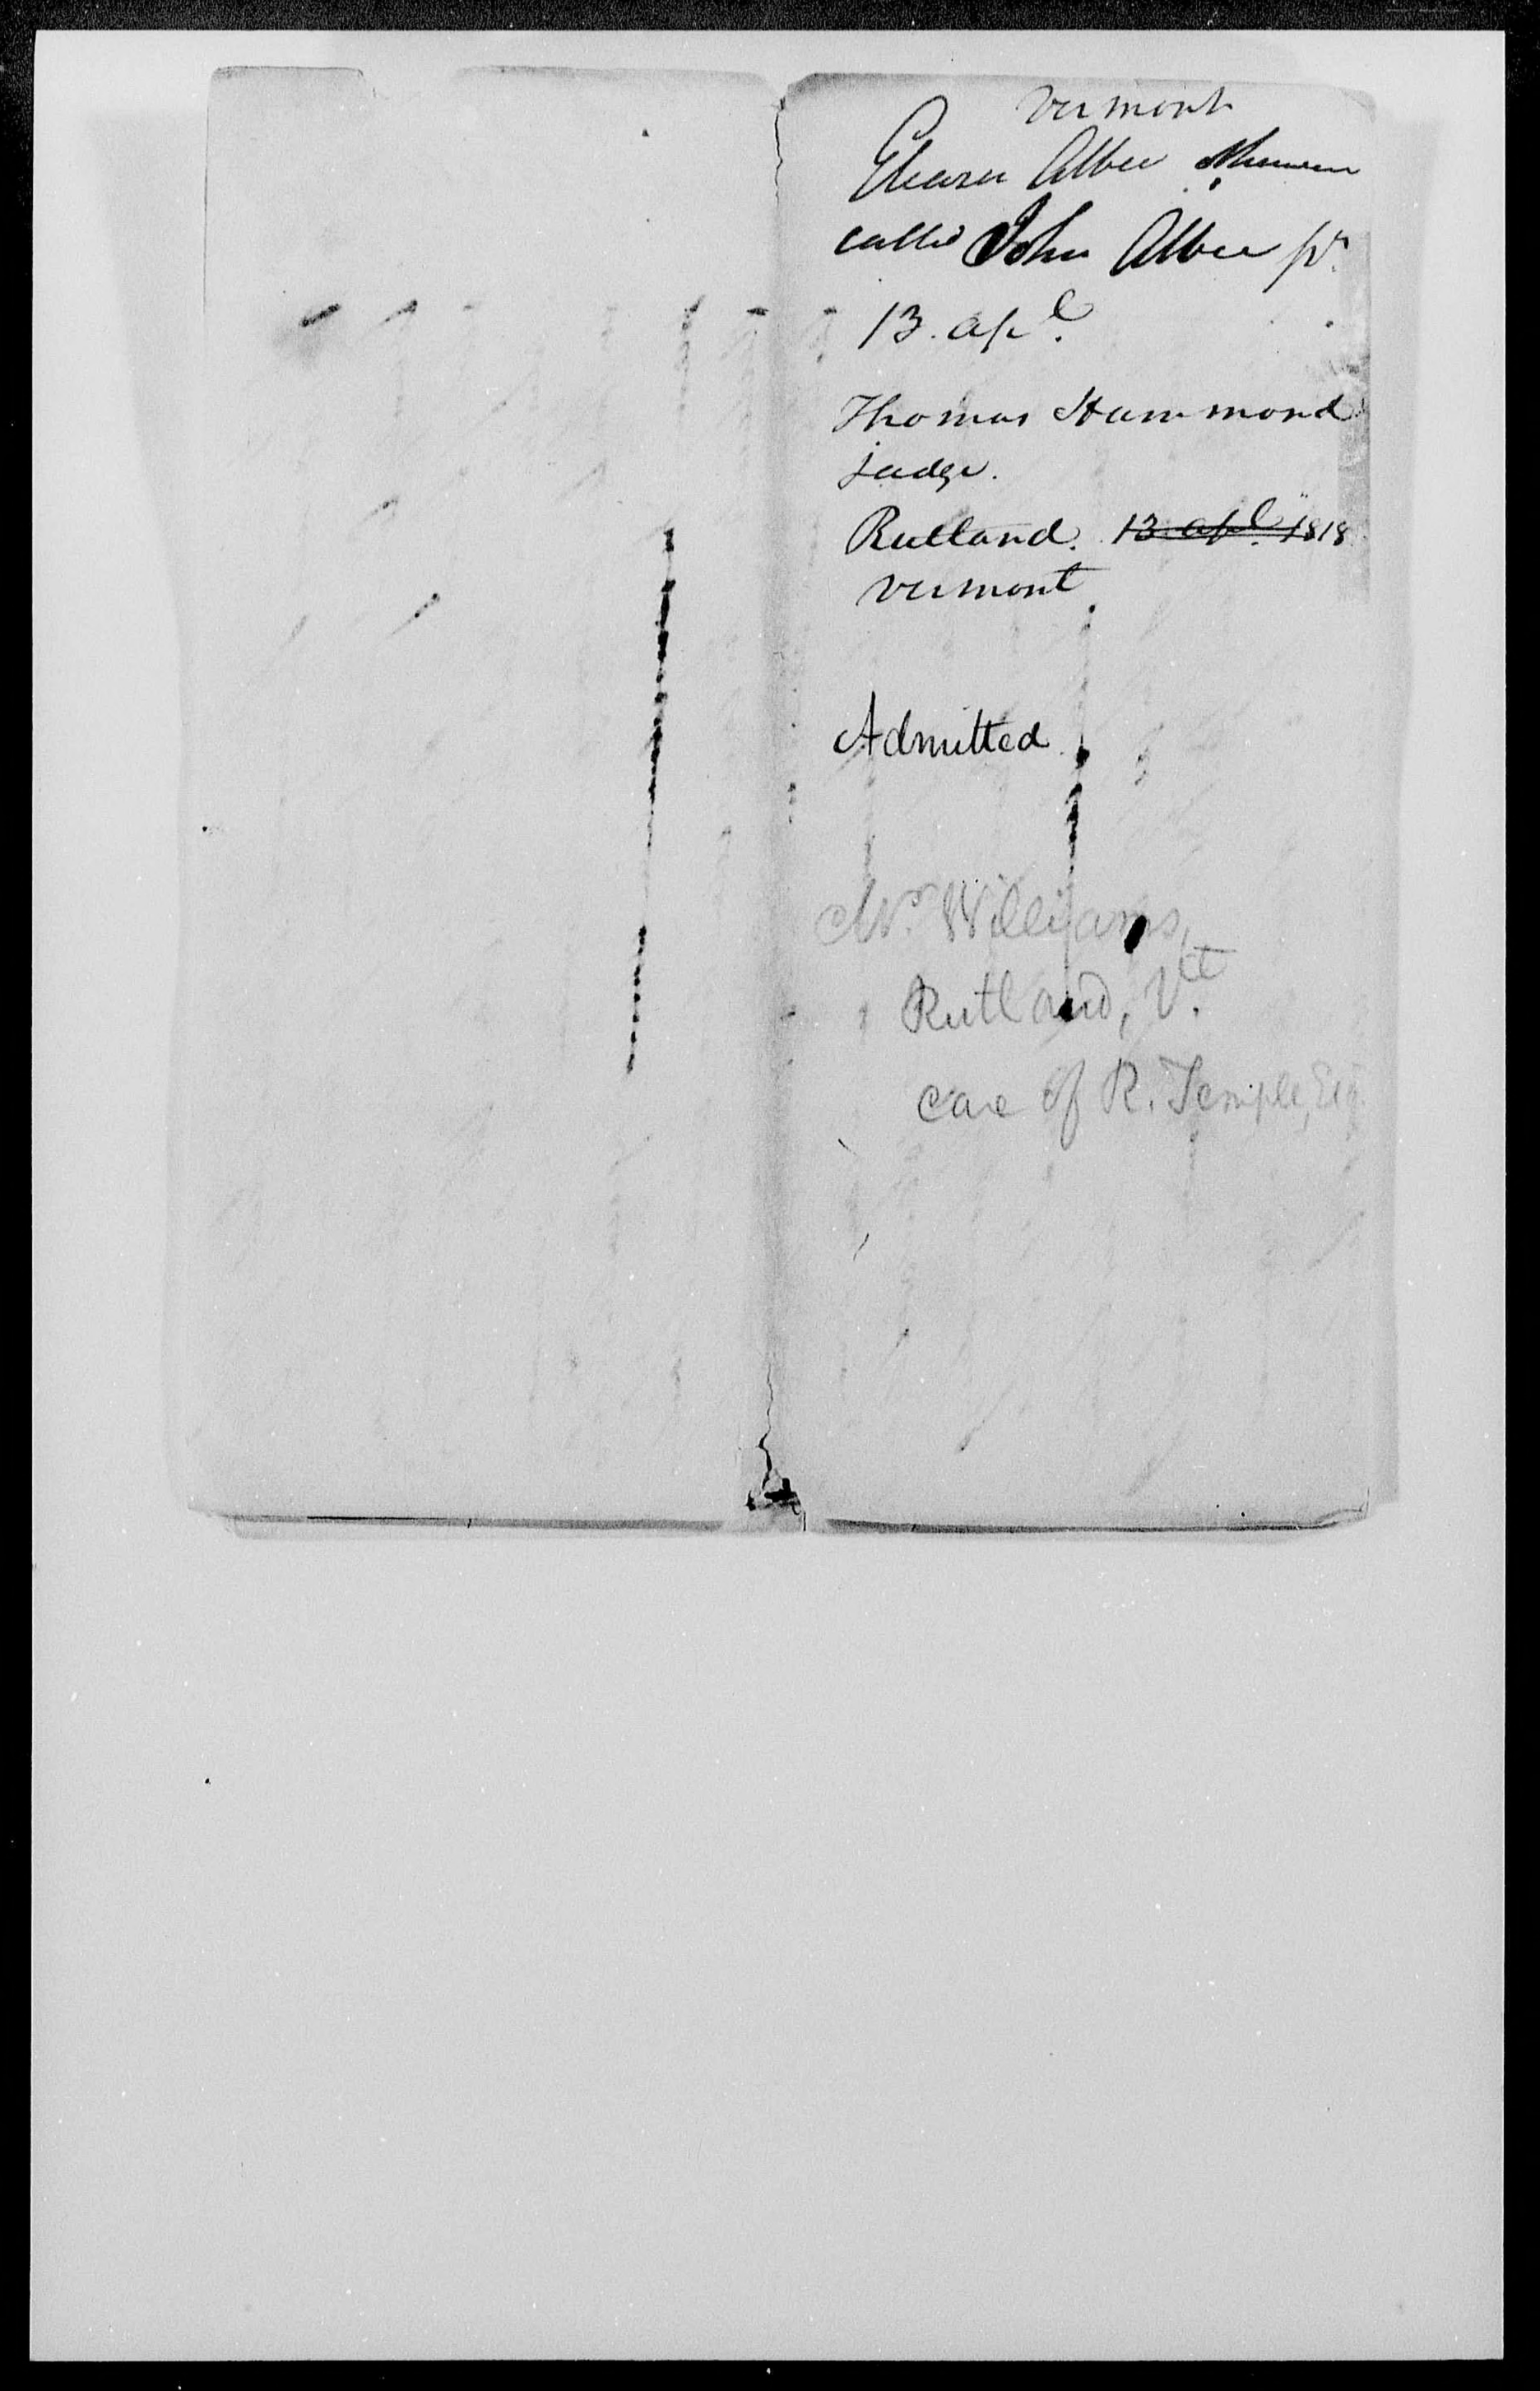Vermont

Eleazer Albee ?
called John Albee pr.

13 April 

Thomas Hammond
Judge
Rutland 
Vermont


Admitted


Mr. Williams
Rutland, Vt.
care of R. Temple Esq.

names: Williams, Eleazer Albee, John Albee, Thomas Hammond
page: 16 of 29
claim: survivor's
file: S 41404, Eleazer John Albee, Mass. Privateer